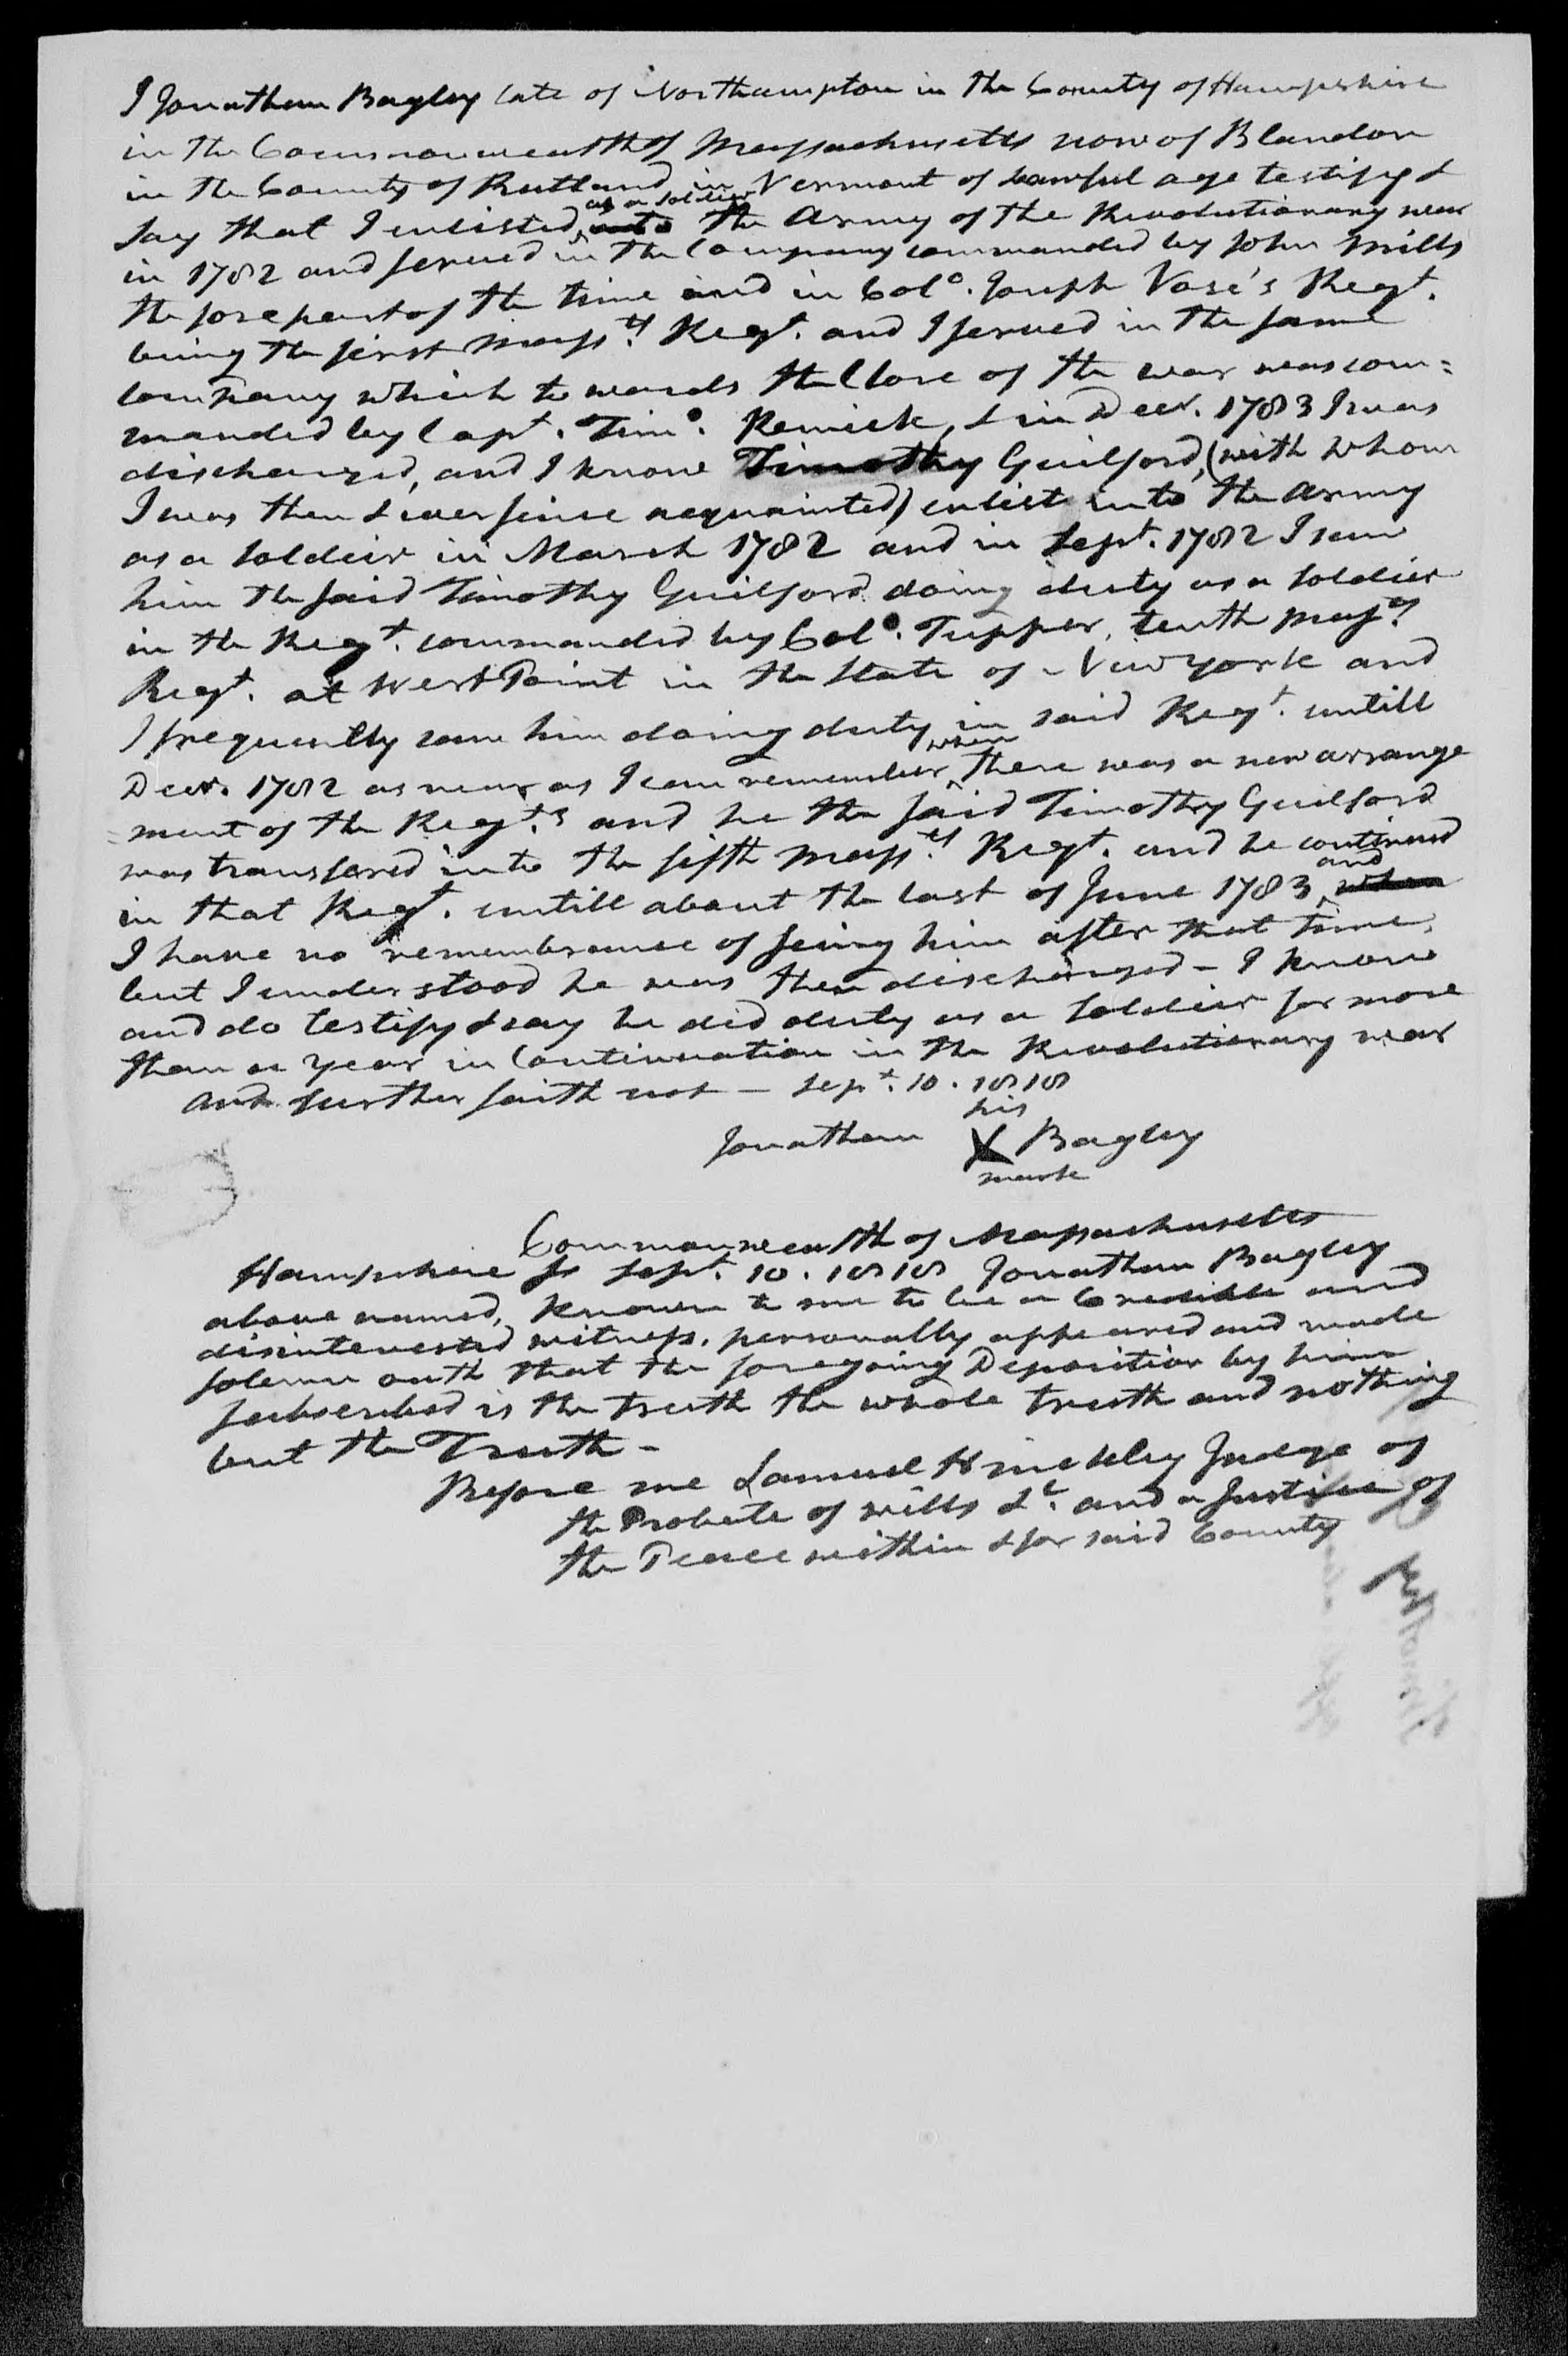I Jonathan Bayley late of Northampton in the County of Hampshire in the Commonwealth of Massachusetts now of Blandon in the County of Rutland in Vermont of lawful age testifyed [sic] and say that I enlisted as a soldier to the Army of the Revolutionary war in 1782 and serviced in the company commanded by John Mills the fore part of the time and in Colo Joseph Vose's Regt. being the first Mass Regt and I served in the same company which towards the close  of the war commanded by Capt. Tim. Remick in Dec 1783 I was discharged and I know Timothy Guilford, (with whom I was then and ever since acquainted) enlisted into the army as a soldier in March 1782 and in September 1782 I saw him the said Timothy Guilford doing duty as a soldier in the night commanded by Colo Tupper, tenth May Regt at West Point in the State of New York and I frequently saw him doing duty in said Regt. untill [sic] Dec 1782 as may as I can remember when there was a new arrangement of the Regts and he the said Timothy Guilford was transferred into the fifth Mass(th) Regt and he continued in that Regt. untill about the last of June 1783  and [crossed out word] I have no remembrance of seeing him after that time, but I understood he was then discharged - I know and do testify & say he did duty as a soldier for more than as year in Continuation in the Revolutionary war and further saith not - Sept. 10, 1818
Jonathan Bayley
[small doodle between first and last name w/ word "his" above and "work" below the doodle]

Commonwealth of Massachusetts
Hampshire Sept 10, 1818 Jonathan Bayley aforementioned, known to some to be a credible and disinterested witness personally appeared and made solemn oath that the foregoing Deposition by him subscribed is the truth the whole truth and nothing but the truth -

Before me Samuel Hinckley Judge of the Probate of Will and Justice of the Peace within aforesaid County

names: Tupper, Jonathan Bayley, Samuel Hinckley, Timo Remick, Timothy Guilford, Timothy Guilford, Jonathan Bayley, Jonathan Bayley, Timothy Guilford, John Mills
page: 26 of 26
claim: widow's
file: W. 21,238, Timothy Guilford, Mass.